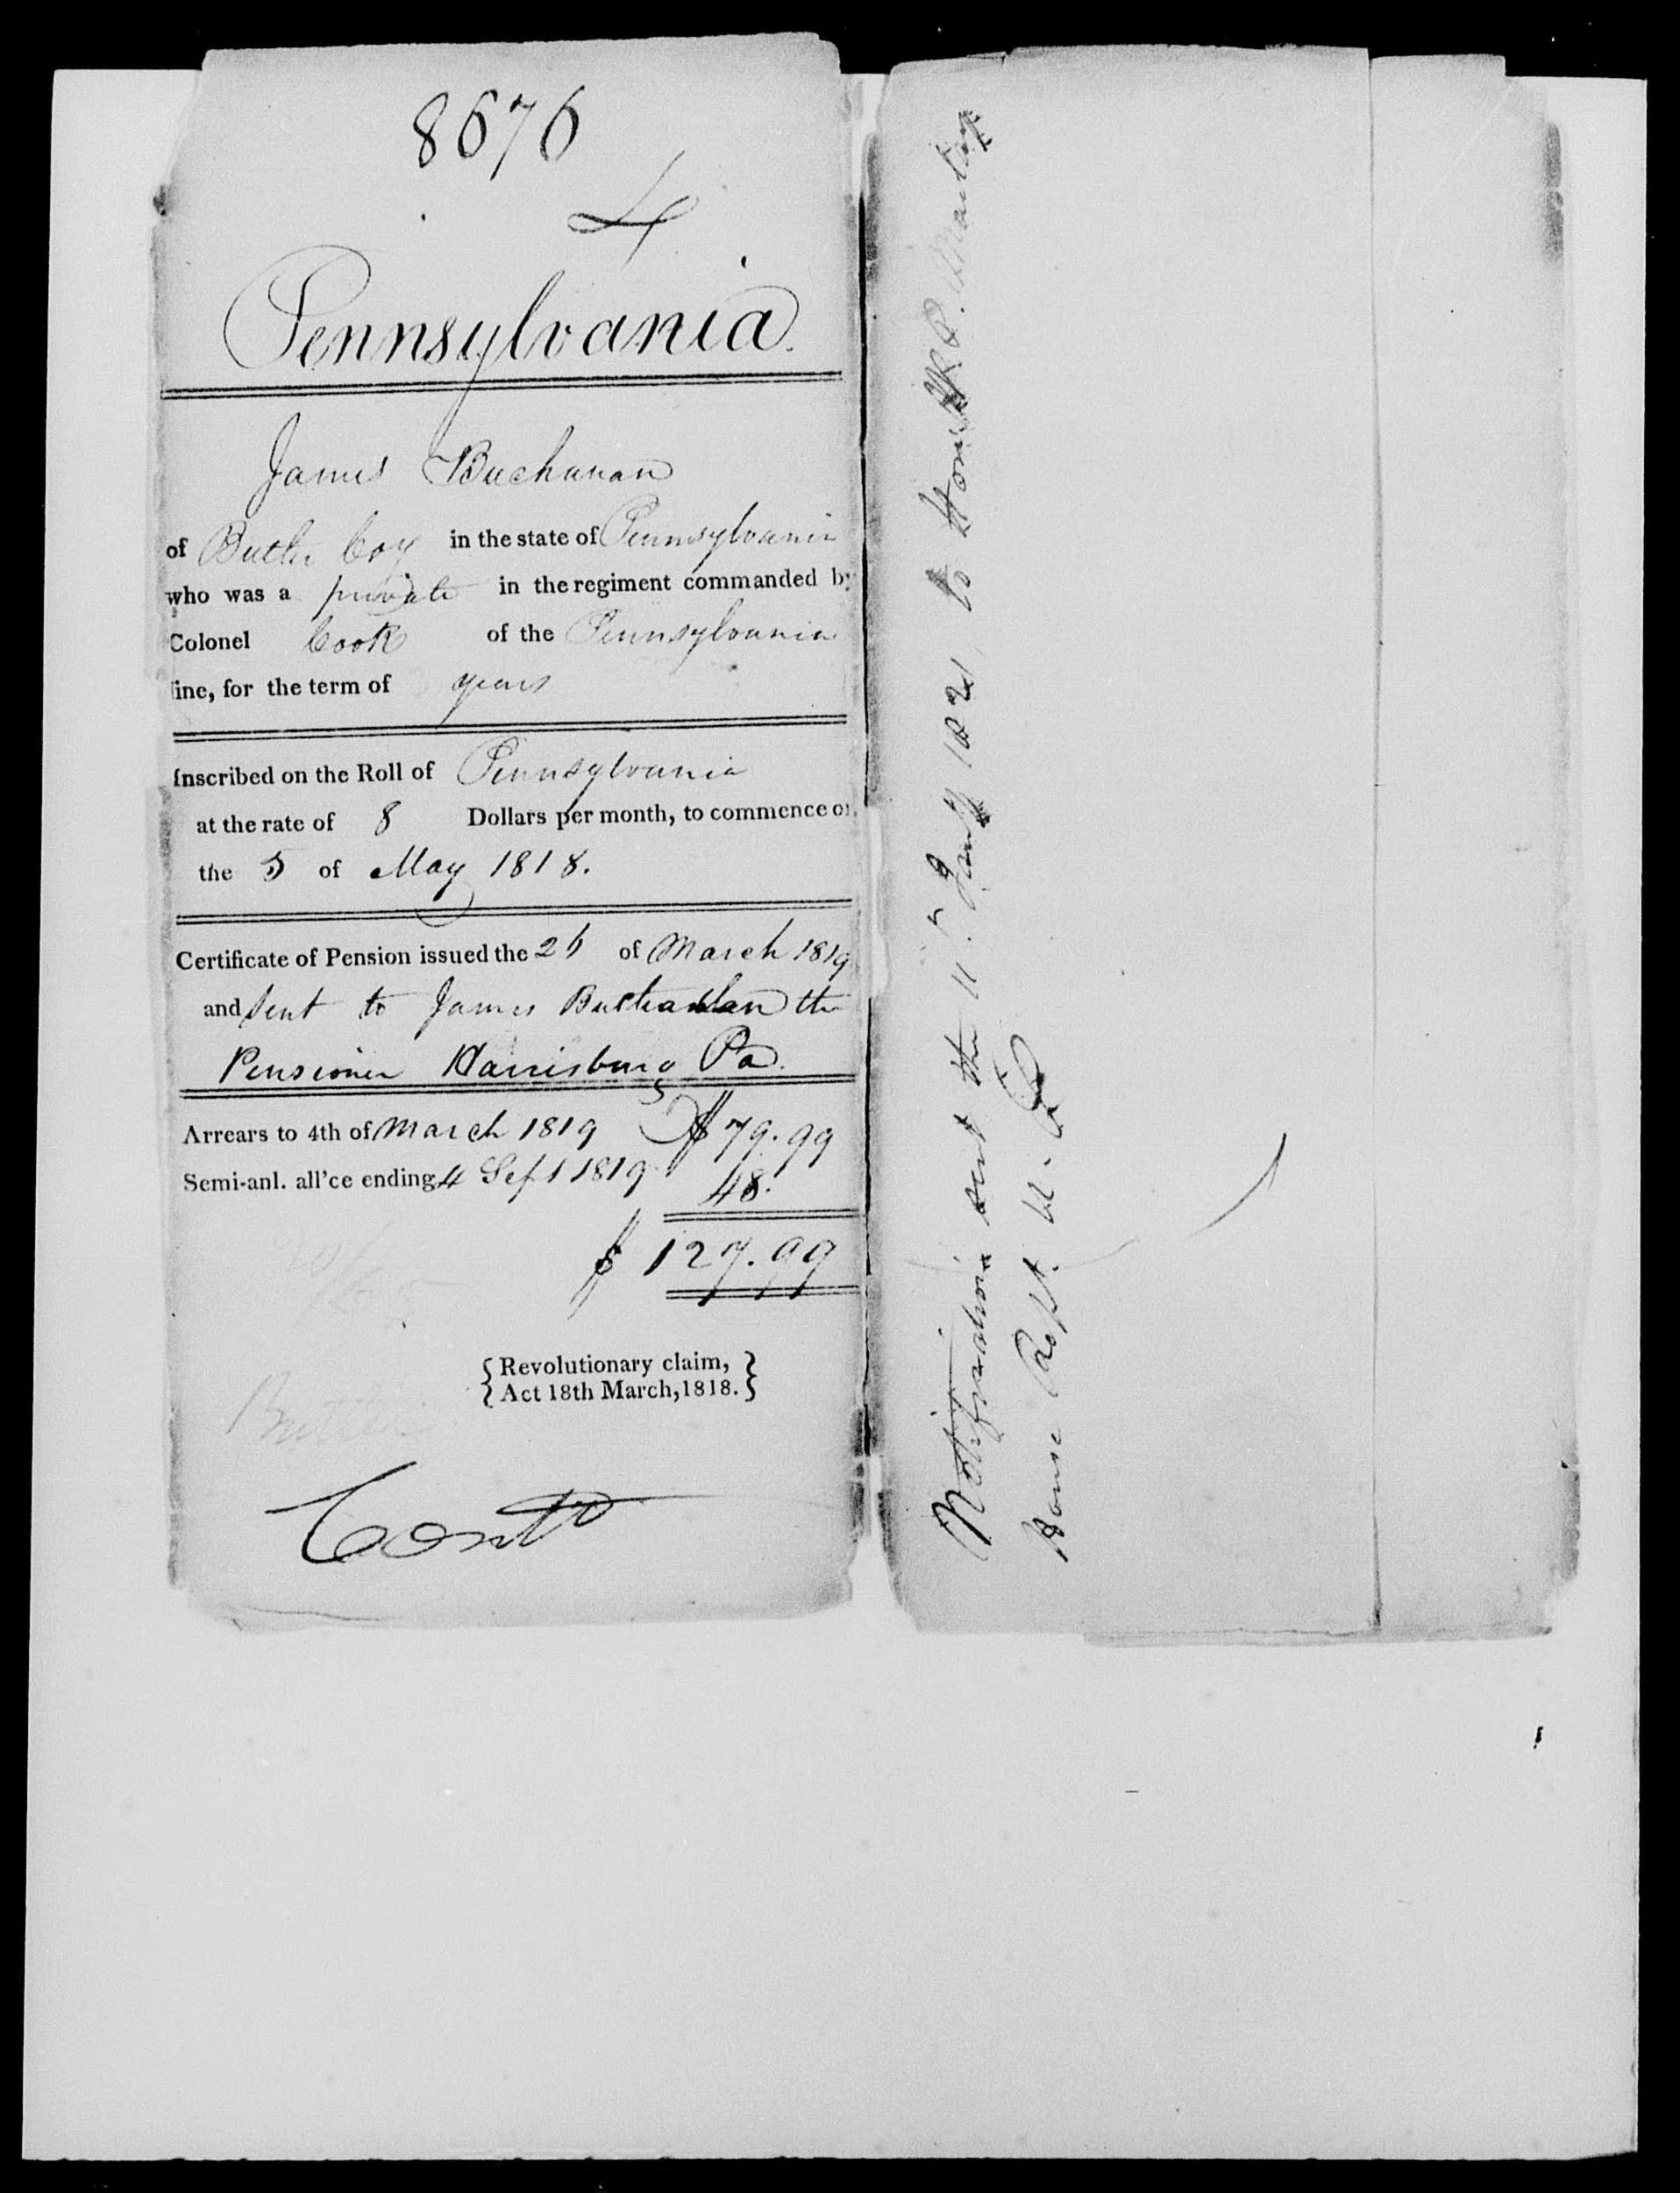8676
[illegible]
Pennsylvania

James Buchanan of Butler coy [?] in the state of Pennsylvania who was a private in the regiment commanded by Colonel Cook of the Pennsylvania line, for the term of [illegible] years

Inscribed on the Roll of Pennsylvania at the rate of 8 Dollars per month, to commence on the 5 of May 1818.

Certificate of Pension issued the 26 of March 1819 and sent to James Buchanan than Pensioner Harrisburg Pa. 

Arrears to 4th of March 1819 | $79.99
Semi-anl. all'ce ending 4 Sept 1819 | 48.
                                                 $127.99

                              {Revolutionary claim,}
                              {Act 18th March, 1818.}


[illegible handwriting]

[Handwritten vertically on the edge of next page]
Notifications sent the 11th Jan 1821 to [illegible]
[illegible]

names: James Buchanan, W P Maclay, James Buchanan, Cook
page: 2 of 15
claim: survivor's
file: S. 40,765, James Buchanan, Pa.